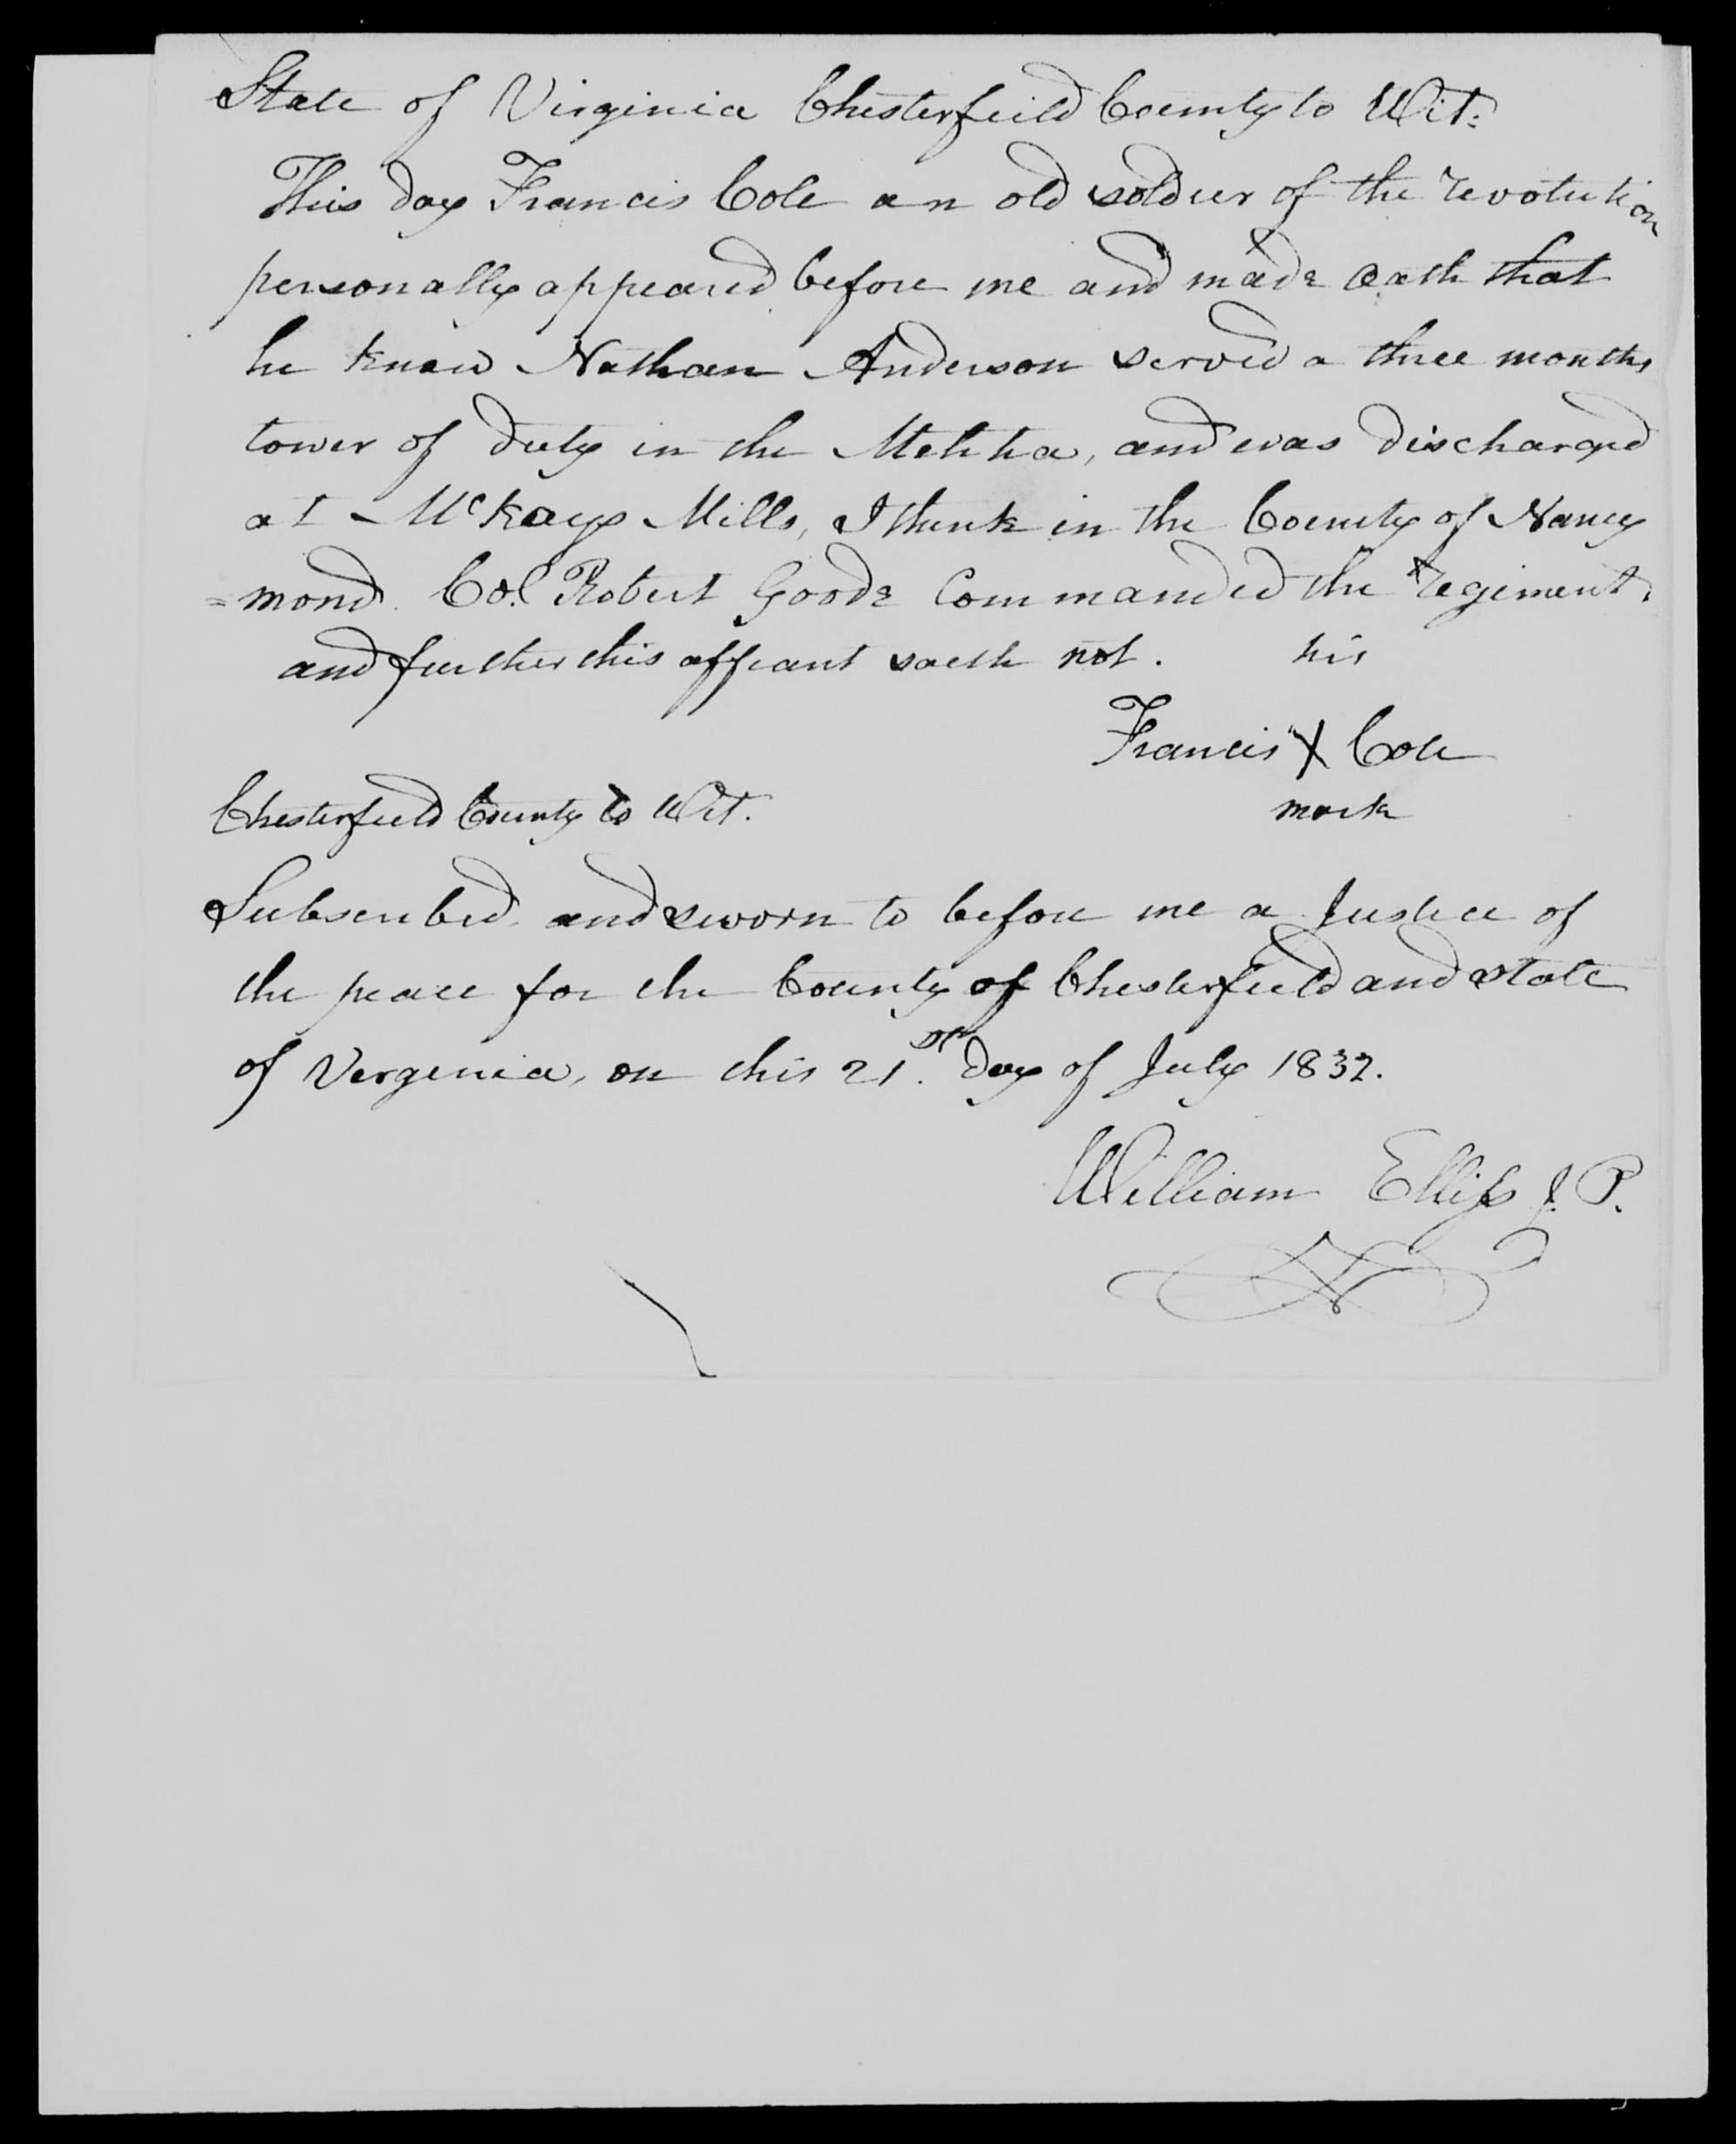State of Virginia Chesterfield County to Wit:
This day Francis Cole an old soldier of the revolution personally appeared before me and made Oath that he knew Nathan Anderson served a three month tower of duty in the Militia, and was discharged at McKays Mills, I think in the County of Nancymond. Col. Robert Goode Commanded the regiment and further this affiant saith not.
Francis Cole x  his mark
Chesterfield County to Wit.
Subscribed and sworn to before me a Justice of the peace for the County of Chesterfield and state of Virginia, on this 21st day of July 1832.
William Elliss J.P.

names: Robert Goode, Francis Cole, William Elliss, Mc Kays Mills, Nathan Anderson, Francis Cole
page: 21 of 43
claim: widow's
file: W. 5,626, Nathan Anderson, Va.